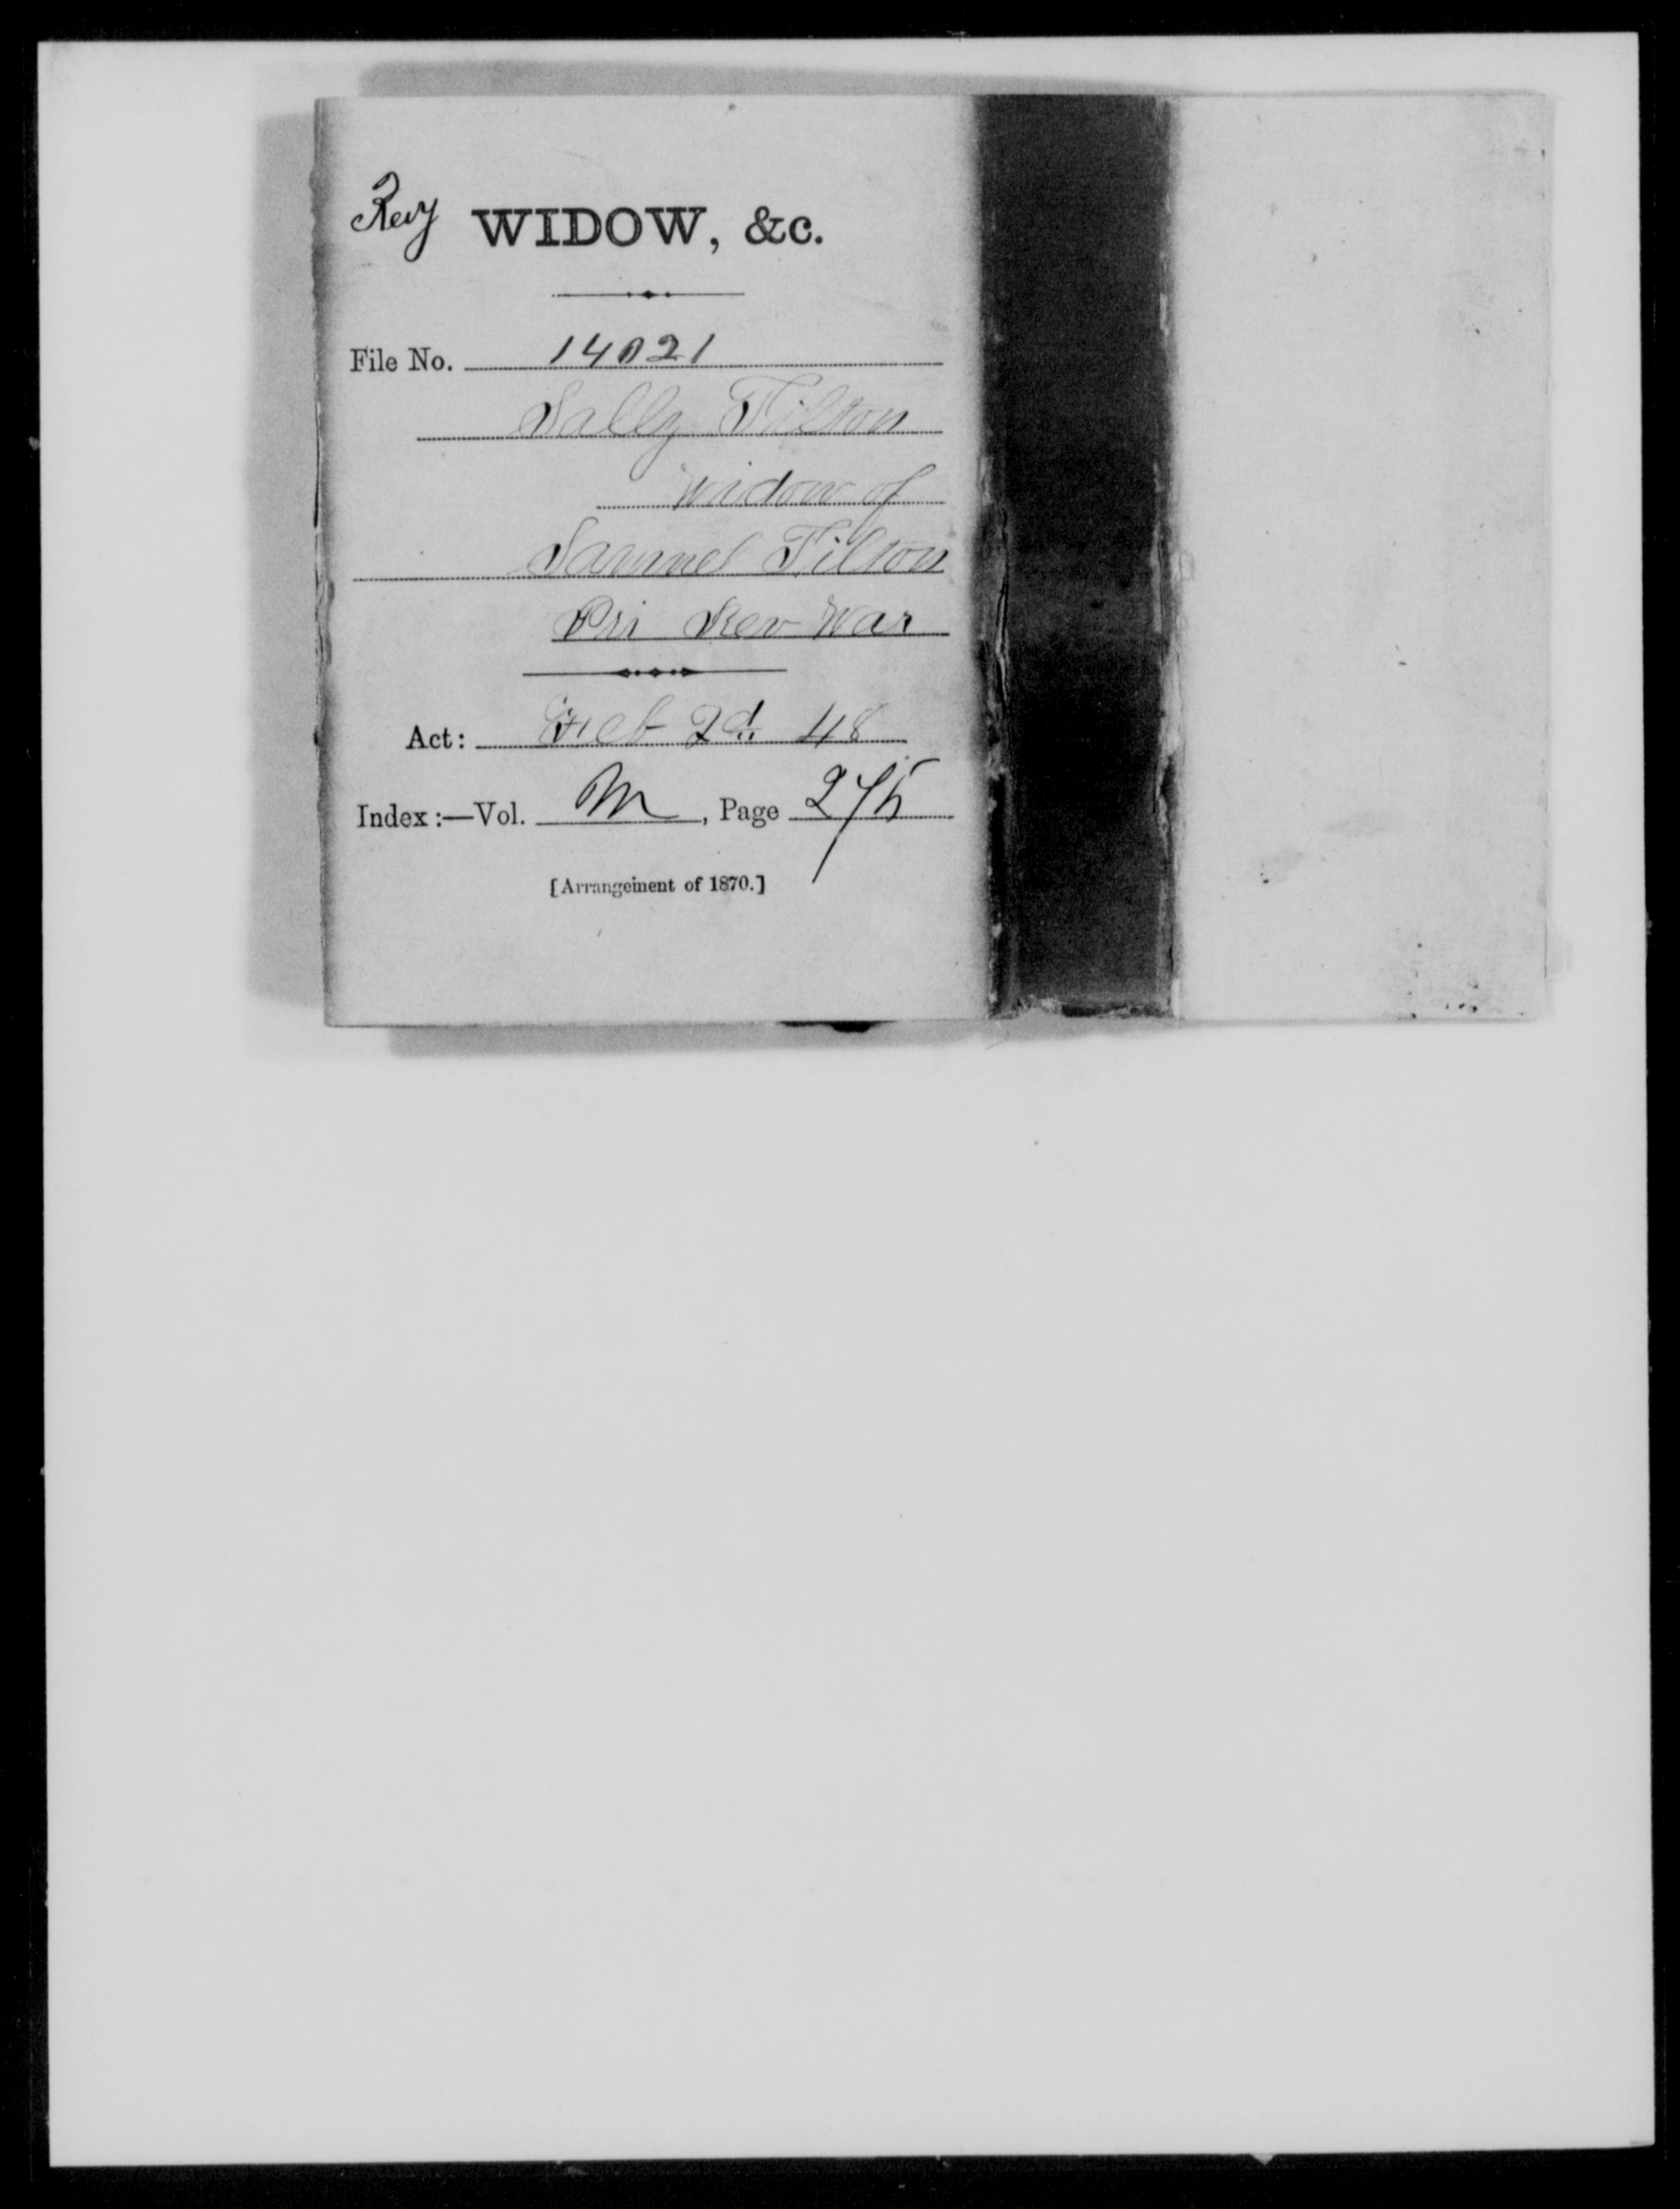Revy [Revolutionary] Widow, etc.
File No. [Number] 14021
Sally Tilton
widow of Samuel Tilton
Pri Rev War
Act: Feb 2d [18]48
Index: Vol. M, Page 275
Arrangement of 1870.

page: 19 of 55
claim: widow's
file: W. 14,021, for Samuel Tilton, New Hampshire